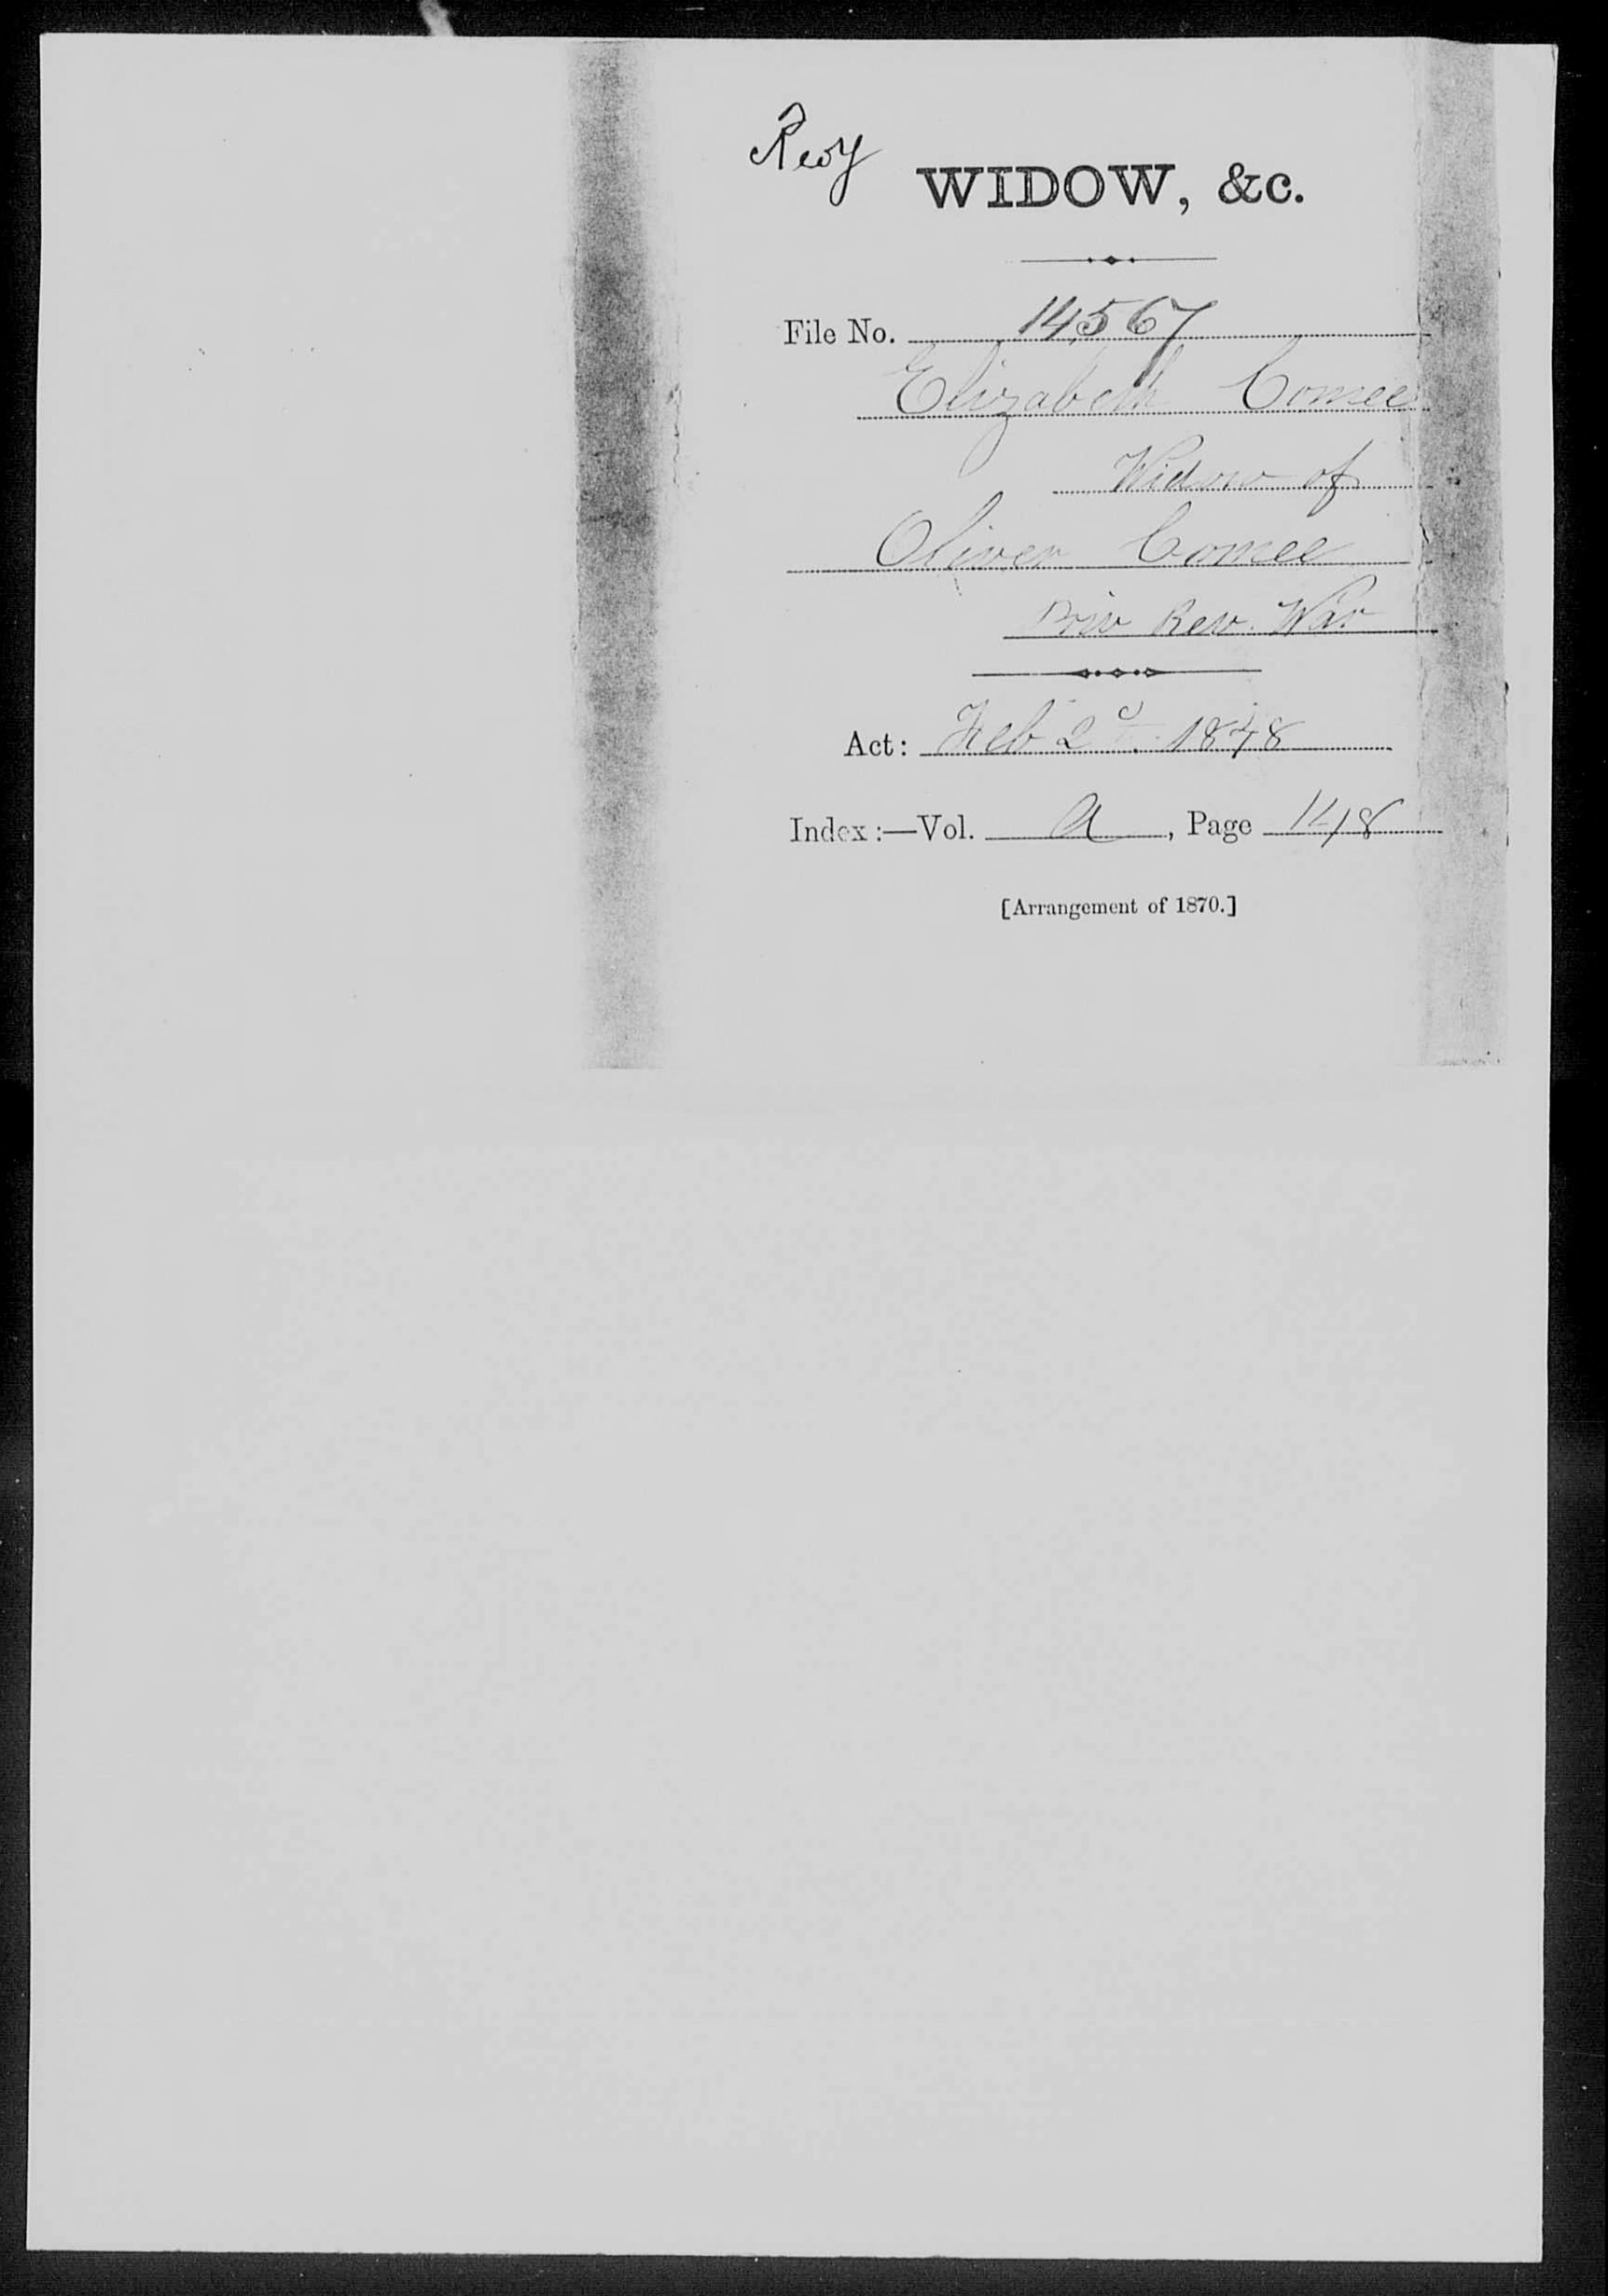Revy   WIDOW, &c. 
——
File No.  14567 
Elizabeth Comee
Widow of 
Oliver Comee
Priv Rev. War
——
Act: Feb 2d 1848 
Index: --Vol. A, Page 148 
[Arrangement of 1870.]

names: Oliver Comee, Elizabeth Comee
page: 16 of 45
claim: widow's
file: W. 14,567, Oliver Comee, Mass.